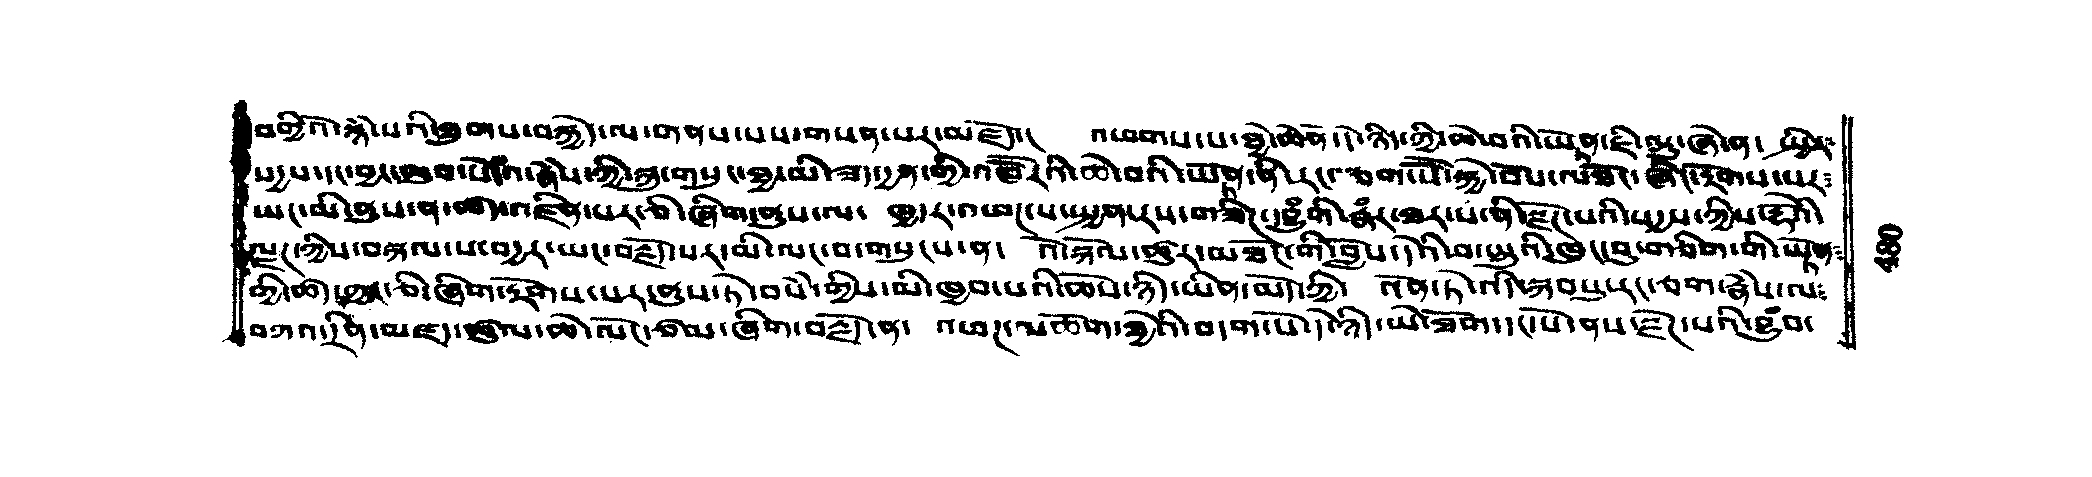བགྱིའོ་སྙམ་པའི་ཐུགས་བསྐྱེད་ལ་གནས་པས་གསན་པར་མཛོད། འཕགས་པ་ཐུགས་རྗེ་ཆེན་པོ་དེ་ཉིད་ཀྱི་ཆེ་བའི་ཡོན་ཏན་ཇི་ལྟ་བུ་ཞེ་ན། སྤྱིར་
སངས་རྒྱས་དང་བྱང་ཆུབ་སེམས་དཔའ་རྣམས་ཀྱི་སྐུ་གསུང་ཐུགས་མི་ཟད་པ་རྒྱན་གྱི་འཁོར་ལོའི་ཆེ་བའི་ཡོན་ཏན་ནི་རང་ཅག་སོ་སོ་སྐྱེ་བོས་མཐོང་ཞིང་རྟོགས་པར་
ཡང་མི་ནུས་ན་ཚད་འཛིན་པར་ཅི་ཞིག་སྨྲ་ནུས་ལ། ཁྱད་པར་འཕགས་པ་སྤྱན་རས་གཟིགས་དབང་ཕྱུག་གི་རྣམ་པར་ཐར་བ་ནི་རྫོགས་པའི་སངས་རྒྱས་ཀྱིས་རྡོ་རྗེའི་
ལྗགས་ཀྱིས་བསྐལ་པ་བརྒྱར་ཡང་བརྗོད་པར་མི་ལང་བ་གསུངས་ན། འོ་སྐོལ་ཚུར་མཐོང་གིས་བློས་དེའི་བ་སྤུའི་ཁུང་བུ་གཅིག་གི་ཡོན་ཏན་
གྱི་ཚད་ཀྱང་ཅི་ཞིག་རྟོགས་པར་ནུས་ཏེ་བསམ་གྱིས་མི་ཁྱབ་པའི་ཆོས་ཉིད་ཡིན་མོད་ཀྱི། འོན་ཏེ་འདི་སྐབས་སུ་རང་ཅག་རྣམས་ལ་
བཀའ་དྲིན་མཛད་ཚུལ་ཆེ་ལོང་ཙམ་ཞིག་བརྗོད་ན། འཕགས་མཆོག་ཐུགས་རྗེའི་བདག་པོ་དེ་ཉིད་ཡེ་ཐོག་དང་པོ་ནས་རྫོགས་པའི་བྱང་ཆུབ་